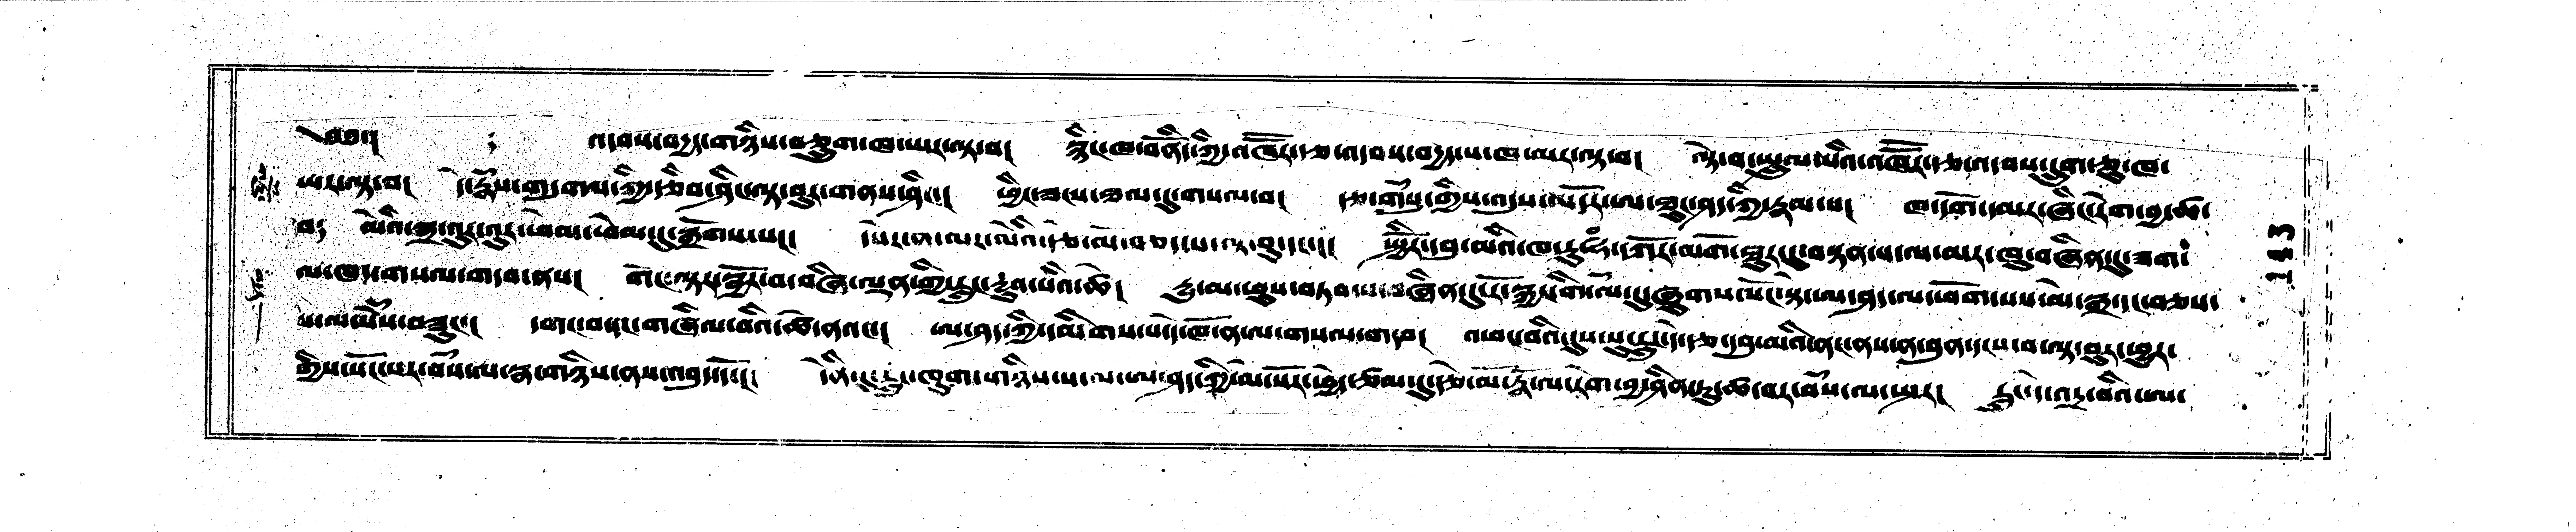འདབ་བརྒྱད་གཉིས་བཅུ་དྲུག་ཁ་ཡར་ལྟ་བ། སྙིང་ཁ་བོན་ཉིད་ཀྱི་འཁོར་ལོ་རྩ་འདབ་བརྒྱད་པ་ཁ་མར་ལྟ་བ། ལྟེ་བ་སྤྲུལ་པའི་འཁོར་ལོ་རྩ་འདབ་བཅུ་དྲུག་ཁ་
ཡར་ལྟ་བ། དེ་རྣམས་གདུག་ཀྱི་རྩིབས་ཤིང་ལྟ་བུར་གནས་ཤིང་། ཕྱིར་ཟངས་ཐལ་དུ་གསལ་བ། རྩ་གསུམ་གྱི་འདུས་མདོར་ཨ་ཐུང་ཤད་ཀྱི་རྣམ་པ། ཁ་དོག་དམར་ཞིང་རེག་བྱ་ཚ་
བ། མེ་ཡི་སྒྲ་འུར་འུར་ཕེམ་ཕེམ་དུ་སྒྲོགས་པ། དཔེར་ན་མར་མེའི་རྩེ་མོ་བཅད་པ་ལྟ་བུ་དང་། སྤྱི་བོ་དབུ་མའི་ཁ་རུ་ཧཾ་དཀར་པོ་མགོ་ཐུར་དུ་བསྟན་པ་ལ་མར་ཁུ་བཞིན་དུ་ཟག་
ལ་ཁད་གསལ་གདབ་ནས། གོང་ལྟར་སྦྱོར་བ་བཞི་ལྡན་གྱི་རླུང་རྔུབ་པའི་ཚེ། རྒྱུ་མ་ཕུས་བཏབ་པ་བཞིན་དུ་རོ་རྐྱང་གི་ལམ་དུ་ཞུགས་སོང་སྟེ་ཨ་ཤད་ལ་ཕོག་པས་མེ་སྒྲ་དང་བཅས་
ལ་སེམས་བཟུང་། དགང་བ་དང་གཞིལ་བའི་ཚེ་ནའང་། ཨ་ཤད་ཀྱི་དམིགས་པ་དེ་ཁོ་ན་ལ་གསལ་གདབ། འཕང་བའི་དུས་སུ་རླུང་དེ་རྩ་དབུ་མའི་ནང་ནས་ན་བུན་དངས་པ་ལྟ་བུར་ཕྱུར་
གྱིས་སོང་བར་བསམ་ལ་སྣ་བུག་གཉིས་ནས་འབུད་དོ། །དེ་བཞིན་དུ་རླུང་ཁུག་གཉིས་པ་ལ་ཨ་ཤད་ཀྱི་མེ་སོར་ཕྱེད་ཙམ་དུ་རྩེ་མོ་རྣོ་ལ་རེག་བྱ་ཤིན་ཏུ་ཚ་བར་བསམ་ལ་སྤར། རླུང་དེ་འདྲ་བའི་ཨ་